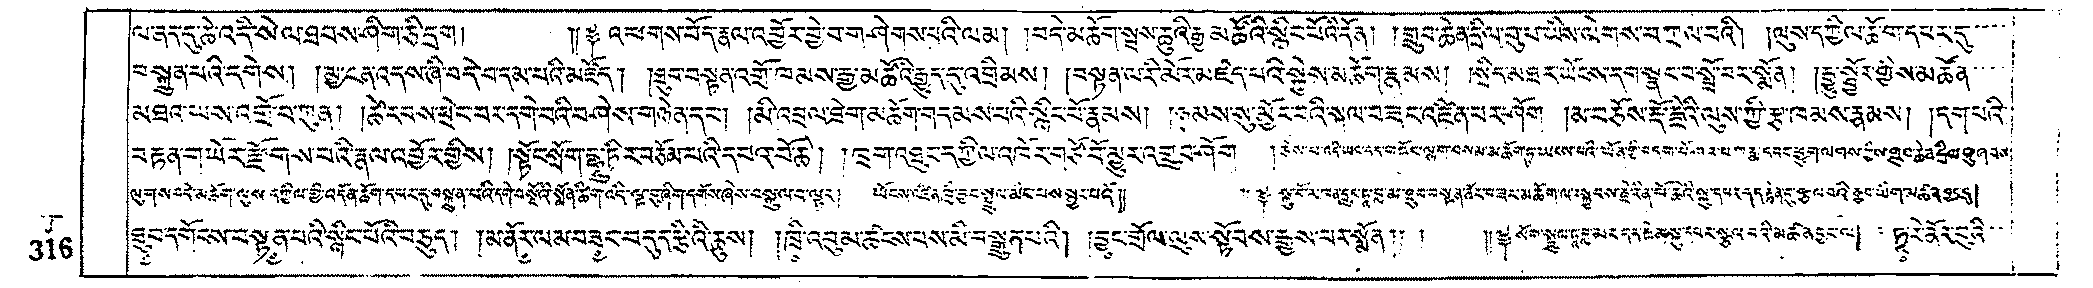ལ་ནད་དུ་ཆེ་འདི་སེལ་ཐབས་ཤིག་ཅི་དྲག། །། འ་འཕགས་བོད་རྣལ་འབྱོར་བྱེ་བ་གཤེགས་པའི་ལམ། །བདེ་མཆོག་སྦས་ཆུའི་རྒྱ་མཚོའི་སྙིང་པོའི་དོན། །གྲུབ་ཆེན་དྲིལ་བུ་པ་ཡིས་ལེགས་བཀྲལ་བའི། །ལུས་དཀྱིལ་ཆོ་ག་དཔར་དུ་་་
བསྐྲུན་པའི་དགེས། །མྱ་ངན་འདས་ཞི་བདེ་བ་དམ་པའི་མཛོད། །ཐུབ་བསྟན་འགྲོ་ཁམས་རྒྱ་མཚོའི་རྒྱུད་དུ་འགྲིམས། །བསྟན་ལ་རི་མོར་མཛད་པའི་སྐྱེས་མཆོག་རྣམས། །སྲིད་མཐར་ཡོངས་དག་སྣང་བ་སྤྲོ་བར་སྨོན། །རྒྱུ་སྦྱོར་གྱིས་མཚོན་་་
མཐའ་ཡས་འགྲོ་བ་ཀུན། །ཚེ་རབས་ཕྲེང་བར་དགེ་བའི་བཤེས་གཉེན་དང་། །མི་འབྲལ་ཐེག་མཆོག་གདམས་པའི་སྙིང་པོ་རྣམས། །ཉམས་སུ་མྱོང་བའི་སྐལ་བཟང་འཛིན་པར་ཤོག །མ་བཅོས་རྡོ་རྗེའི་ལུས་ཀྱི་རྩ་ཁམས་རྣམས། །དག་པའི་
བརྟན་གཡོར་རྫོགས་པའི་རྣལ་འབྱོར་གྱིས། །སྟོང་སྲོག་དྷཱུ་ཏིར་བཅོམ་པའི་དཔའ་བོ་ཆེ། །ཁྲག་འཐུང་དཀྱིལ་འཁོར་གཙོ་བོ་མྱུར་འགྲུབ་ཤོག །ཅེས་པ་འདི་ཡང་དད་གཏོང་ལྷག་བསམ་མཆོག་ཏུ་ཡངས་པའི་ཡོན་གྱི་བདག་པོ་ཤར་པ་ཀརྨ་དབང་ཕྱུག་ལགས་ཀྱིས་གྲུབ་ཆེན་དྲིལ་བུ་ཞབས་
ལུགས་བདེ་མཆོག་ལུས་དཀྱིལ་གྱི་འདོན་ཆོག་དཔར་དུ་བསྐྲུན་པའི་དགེ་བསྔོའི་སྨོན་ཚིག་འདི་ལྟ་བུ་ཞིག་དགོས་ཞེས་བསྐུལ་ལྟར། ཡོངས་འཛིན་ཁྲི་བྱང་སྤྲུལ་མིང་པས་སྦྱར་པའོ།། །། འ་སྐུ་ངོ་མཁན་དྲུང་ཏཱ་བླ་མ་ཐུབ་བསྟན་ནོར་བཟང་མཆོག་ལ ༧སྐྱབས་རྗེ་རིན་པོ་ཆེའི་སྐུ་དཔར་དད་རྟེན་དུ་སྩལ་བའི་རྒྱབ་ཡིག་མཚན་བྱད་དུ།
ཐུབ་དགོངས་བསྟན྾་པའི་སྙིང་པོའི་བཅུད། །མ་ནོར྾་ལམ་བཟང྾་བདུད་རྩིའི་ཆུས། །ཁྲི྾་འབུམ་ཚངས་པས་མི་བསྒྲུན་པའི། །བྱང྾་གྲོལ་ལུས་སྟོབས་རྒྱས་པར་སྨོན།། །། འ་སོག་སྤྲུལ་ཏཱ་བླ་མར་དད་རྟེན་སྐུ་དཔར་སྩལ་བའི་མཚན་བྱང་ལ། ཏཱ྾་རེ་ནོར་བུའི་་་